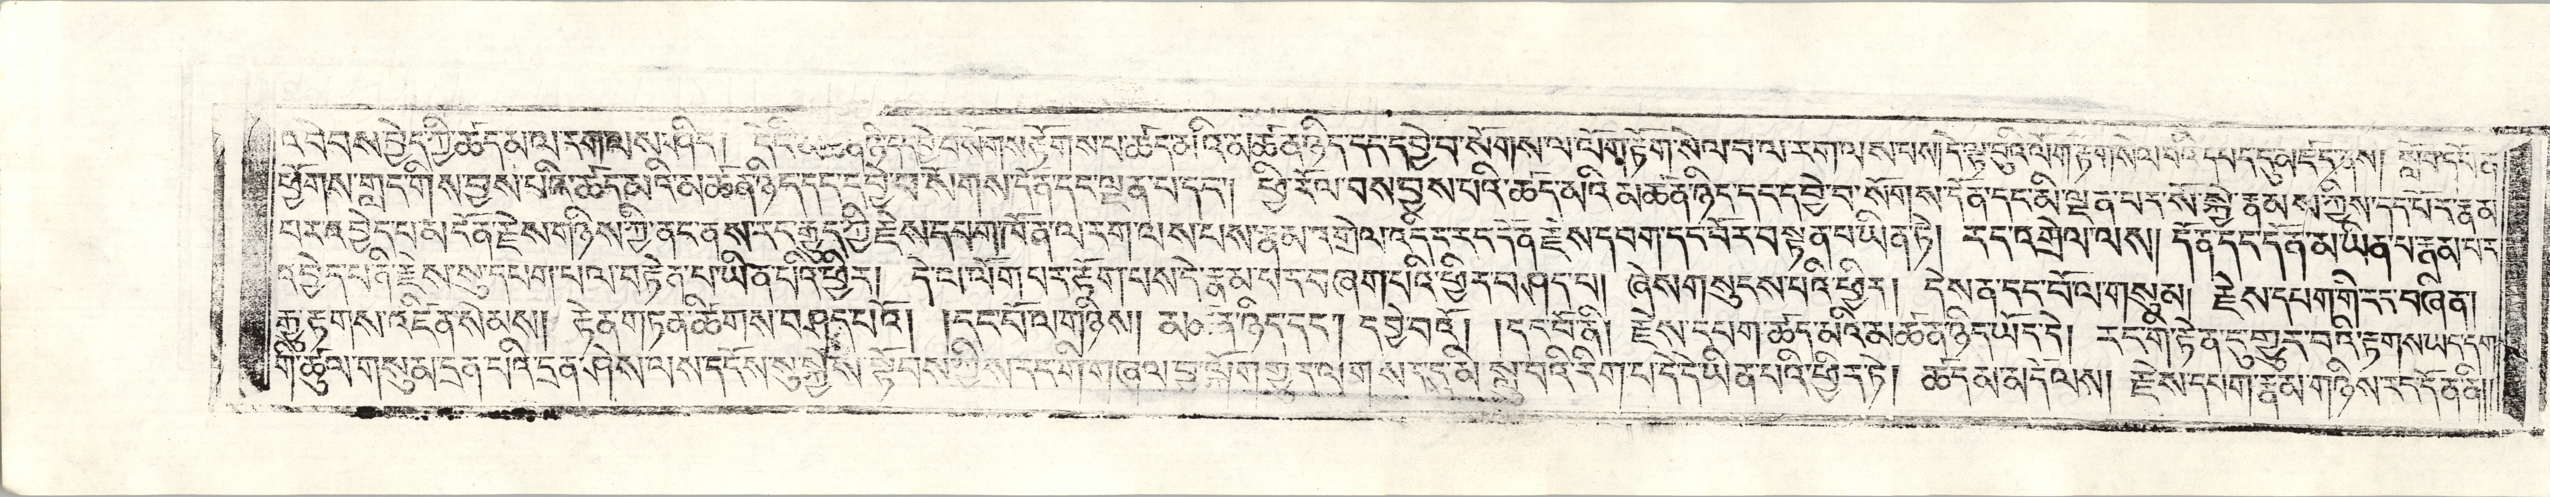འབེབས་བྱེད་ཀྱི་ཚད་མ་ལ་རག་ལས་ཤིང་། དེའི་མཚན་ཉིད་དང་དབྱེ་བ་སོགས་རྟོགས་པ་ཚད་མའི་མཚན་ཉིད་དང་དབྱེ་བ་སོགས་ལ་ལོག་རྟོག་སེལ་བ་ལ་རག་ལས་པས། དེ་ལྟ་བུའི་ལོག་རྟོག་སེལ་བའི་དབང་དུ་མཛད་ནས། སློབ་དཔོན་
ཕྱོགས་གླང་གིས་བྱས་པའི་ཚད་མའི་མཚན་ཉིད་དང་དབྱེ་བ་སོགས་དོན་དང་ལྡན་པ་དང་། ཕྱི་རོལ་བས་བྱས་པའི་ཚད་མའི་མཚན་ཉིད་དང་དབྱེ་བ་སོགས་དོན་དང་མི་ལྡན་པར་སོ་སྐྱེ་རྣམས་ཀྱིས་དང་པོར་རྣམ་
པར་འབྱེད་པ་མངོན་རྗེས་གཉིས་ཀྱི་ནང་ནས་རང་རྒྱུད་ཀྱི་རྗེས་དཔག་ཁོ་ན་ལ་རག་ལས་པས་རྣམ་འགྲེལ་འདིར་རང་དོན་རྗེས་དཔག་དང་པོར་བསྟན་པ་ཡིན་ཏེ། རང་འགྲེལ་ལས། དོན་དང་དོན་མ་ཡིན་པ་རྣམ་པར་
འབྱེད་པ་ནི་རྗེས་སུ་དཔག་པ་ལ་བརྟེན་པ་ཡིན་པའི་ཕྱིར། དེ་ལ་ལོག་པར་རྟོག་པས་དེ་རྣམ་པར་བཞག་པའི་ཕྱིར་བཤད་པ། ཞེས་གསུངས་པའི་ཕྱིར། དེས་ན་དང་བོ་ལ་གསུམ། རྗེས་དཔག་གི་རང་བཞིན།
རྒྱུ་རྟགས་འཛིན་སེམས། རྟེན་གཏན་ཚིགས་བཤད་པའོ། །དང་བོ་ལ་གཉིས། མཚན་ཉིད་དང་། དབྱེ་བའོ། །དང་པོ་ནི། རྗེས་དཔག་ཚད་མའི་མཚན་ཉིད་ཡོད་དེ། རང་གི་རྟེན་དུ་གྱུར་བའི་རྟགས་ཡང་དག་
གི་ཚུལ་གསུམ་དྲན་པའི་དྲན་ཤེས་ལས་དངོས་སུ་སྐྱེས་སྟོབས་ཀྱིས་རང་གི་གཞལ་བྱ་ལྐོག་གྱུར་ལ་གསར་དུ་མི་སླུ་བའི་རིག་པ་དེ་དེ་ཡིན་པའི་ཕྱིར་ཏེ། ཚད་མ་མདོ་ལས། རྗེས་དཔག་རྣམ་གཉིས་རང་དོན་ནི།།